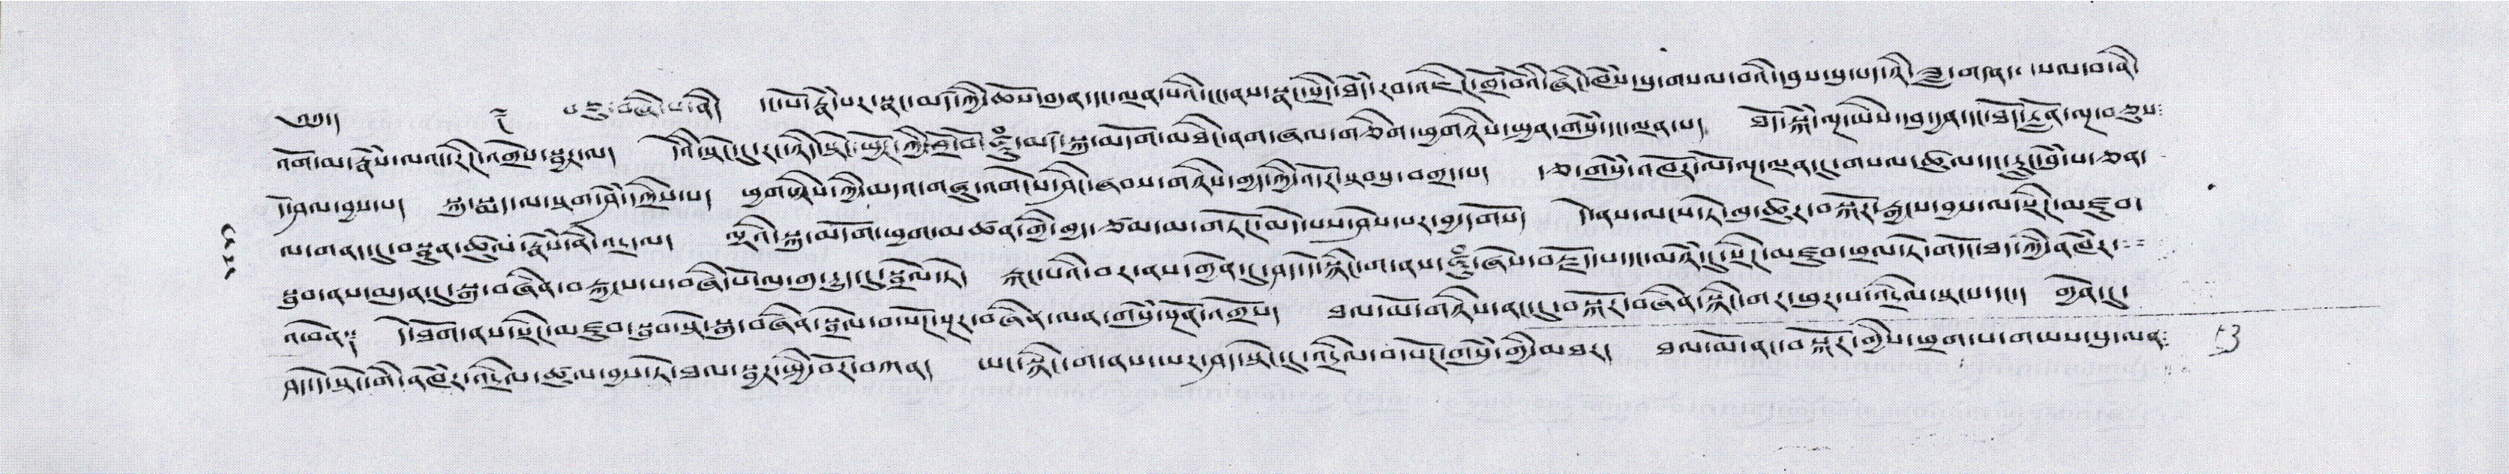༧ བཅུ་བཞི་པ་ནི། དང་པོ་རྣམ་པར་སྣང་མཛད་ཀྱི་ཅོས་བདུན་དང་ལྡན་པའི་ངང་ནས་སྣང་སྲིད་ཐམས་ཅད་རབ་འཇིགས་ཁྲོ་བོའི་ཞིང་ཁམས་སུ་གསལ་བའི་དབུས་སུ་པད་ཉི་ཟླ་གདན་གསལ་བ་ནི་
འོག་མ་རྣམས་ལའང་རིགས་འགྲེས་སྦྱར་ལ། དེའི་སྟེང་དུ་རང་ཉིད་སྟེང་ཕྱོགས་ཀྱི་ཁྲོ་བོ་ཧཱུཾ་མཛད་སྐུ་མདོག་མཐིང་ནག་ཞལ་གཅིག་ཕྱག་གཉིས་སྤྱན་གསུམ་དང་ལྡན་པ། ཐོད་སྐམ་ལྔ་ཡིས་དབུ་རྒྱན་དང་ཐོད་རློན་ལྔ་བཅུས་
དོ་ཤལ་བྱས་པ། སྐུ་སྨད་ལ་སྟག་ཤམ་དཀྲིས་པ། ཕྱག་གཉིས་ཀྱི་མདའ་གཞུ་འགེངས་ཤིང་ཞབས་གཉིས་གྱད་ཀྱི་འདོར་ཐབས་སུ་བགྲད་པ། རྩ་གསུམ་འཁོར་ལོ་ལྔ་ལྡན་དུ་གསལ་ཚུལ་དང་རླུང་བུམ་པ་ཅན་
ལ་གནད་དུ་བསྣུན་ཚུལ་རྣམས་ནི་འདྲ་ལ། ལྷ་ཡི་སྐུ་མདོག་ཕྱག་མཚན་གྱི་ཁྱད་ཙམ་ལས་མེད་པ་ཤེས་པར་བྱ་དགོས། དེ་ནས་ལངས་ཏེ་ཁུ་ཚུར་བསྐོར་རྒྱངས་བྱས་ལ་སྡིགས་མཛུབ་
སྦུབ་ནས་མདུན་དུ་སྒུ་བཞིན་བརྐྱངས་པ་བཞི་པོ་ལུ་གུ་རྒྱུད་དུ་སྦྲེལ་ཏེ། རྐང་པའི་བར་ནས་གྱེན་དུ་ཤད་དེ་སྙིང་ག་ནས་ཧཱུཾ་ཞེས་བརྗོད་པ་དང་མཉམ་དུ་སྡིགས་མཛུབ་ཕྲལ་ཏེ་གདོང་ཐད་ཀྱི་ནམ་མཁར་
འཕེན། དེ་ཐོག་ནས་སྡིགས་མཛུབ་སྦུབས་ཏེ་སྒུ་བཞིན་སྦྲེལ་བ་སོགས་སྔར་བཞིན་ལན་གསུམ་སྔོན་འགྲོས། ཐལ་མོ་གཉིས་ནང་དུ་བསྐོར་བཞིན་སྙིང་གར་ཕུར་པ་འདྲིལ་སྟངས་དང་། གྱེན་དུ་
ཤད་དེ་སྟེང་གི་ནམ་མཁར་འདྲིལ་ཚུལ་བྱས་ཏེ་ཐལ་སྦྱར་སྤྱི་བོར་བཀན། ཡང་སྙིང་ག་ནས་ཡར་ཤད་སྟེང་དུ་འདྲིལ་བ་སོགས་གསུམ་གྱི་མཐར། ཐལ་མོ་ནང་བསྐོར་གྱིས་ཕྲག་པ་གཡས་སུ་ལན་